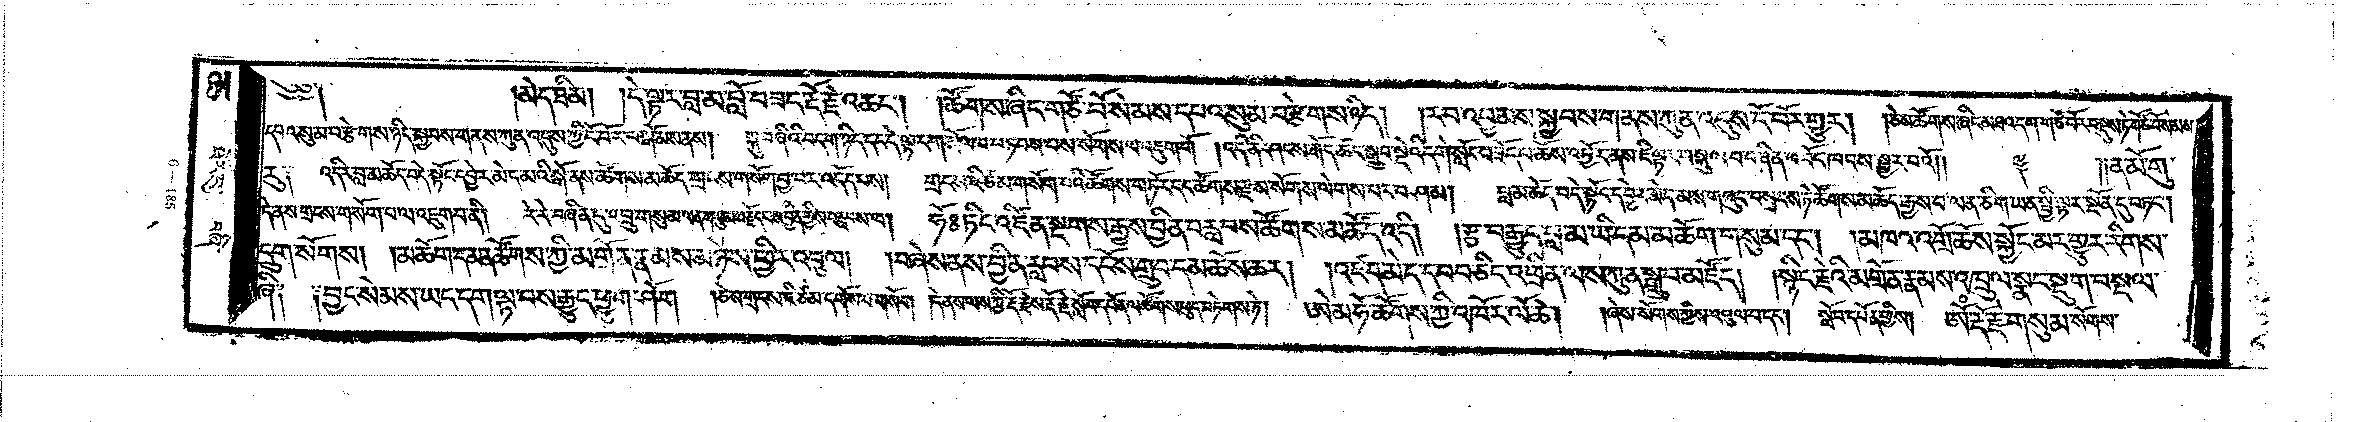༄༅། །མེད་ཐིམ། །དེ་ལྟར་བླ་མ་བློ་བཟང་རྡོ་རྗེ་འཆང་། །ཚོགས་ཞིང་གཙོ་བོ་སེམས་དཔའ་སུམ་བརྩེགས་ཉིད། །རབ་འབྱམས་སྐྱབས་གནས་ཀུན་འདུས་ངོ་བོར་གྱུར། །ཅེས་ཚོགས་ཞིང་མཐའ་དག་གཙོ་བོར་བསྡུས?་ཏེ་གཙོ་བོ་སེམས་
དཔའ་སུམ་བརྩེགས་ཉིད་སྐྱབས་གནས་ཀུན་འདུས་ཀྱི་ངོ་བོར་བསྒོམས་ནས། སྐུ་བཞིའི་བདག་ཉིད་དང་དེ་ལྟར་གསོལ་བ་བཏབས་བས་སོགས་ལ་འཇུག་གོ །འདི་ནི་ཤངས་རྒོད་ཚང་སྒྲུབ་སྡེ་འདི་དགེ་སློང་བཟོད་པ་ཆོས་འབྱོར་ནས་ཇི་ལྟར་བསྐུལ་བ་བཞིན་ལ་བོང་ཁབས་སྦྱར་བའོ།། ༈ །།ན་མོ་གུ་
རུ༑ འདིར་བླ་མཆོད་བདེ་སྟོང་དབྱེར་མེད་མའི་སྒོ་ནས་ཚོགས་མཆོད་གྲངས་གསོག་བྱ་བར་འདོད་པས། གྲངས་ཇི་ཙམ་གསོག་པའི་ཚོགས་གཏོར་དང་ཚོགས་རྫས་སོགས་ལེགས་པར་བཤམ། བླ་མཆོད་བདེ་སྟོང་དབྱེར་མེད་མས་གཞུང་བསྲངས་ཏེ་ཚོགས་མཆོད་རྒྱས་པ་ལན་ཅིག་ཡན་སྤྱི་ལྟར་སྔོན་དུ་བཏང་།
དེ་ནས་གྲངས་གསོག་པ་ལ་འཇུག་བ་ནི། རེ་རེ་བཞིན་དུ་འབྲུ་གསུམ་ལན་གསུམ་བརྗོད་པས་བྱིན་གྱིས་བརླབས་པ། ཧོཿཏིང་འཛིན་སྔགས་རྒྱས་བྱིན་བརླབས་ཚོགས་མཚོད་འདི། །རྩ་བརྒྱུད་བླ་མ་ཡི་དམ་མཆོག་གསུམ་དང་། །མཁའ་འགྲོ་ཆོས་སྐྱོང་མར་གྱུར་རིགས་
དྲུག་སོགས། །མཆོག་དམན་ཚོགས་ཀྱི་མགྲོན་རྣམས་མཉེས་ཕྱིར་འབུལ། །བཞེས་ནས་བྱིན་རླབས་དངོས་གྲུབ་དམ་ཆོས་ཆར། །འཛབ་མེད་དབབ་ཅིང་འཕྲིན་ལས་ཀུན་སྒྲུབ་མཛོད། །སྙིང་རྗེའི་མགྲོན་རྣམས་འཁྲུལ་སྣང་སྡུག་བསྔལ་
ཞི༑ ༑བྱང་སེམས་ཡང་དག་ལྟ་བས་རྒྱུད་ཕྱུག་ཤོག་།ཅེས་གྲངས་ཇི་ཙམ་དགོས་པ་གསོག །དེ་ནས་ལས་ཀྱི་རྡོ་རྗེས་རྡོ་རྗེ་སློབ་དཔོན་ལ་ཚོགས་ཕུད་བཏེགས་ཏེ།  ཨེ་མ་ཧོ་ཚོགས་ཀྱི་འཁོར་ལོ་ཆེ། །ཞེས་སོགས་ཀྱིས་འབུལ་བ་དང་། སློབ་དཔོན་གྱིས།  ཨོཾ་རྡོ་རྗེ་གསུམ་སོགས་